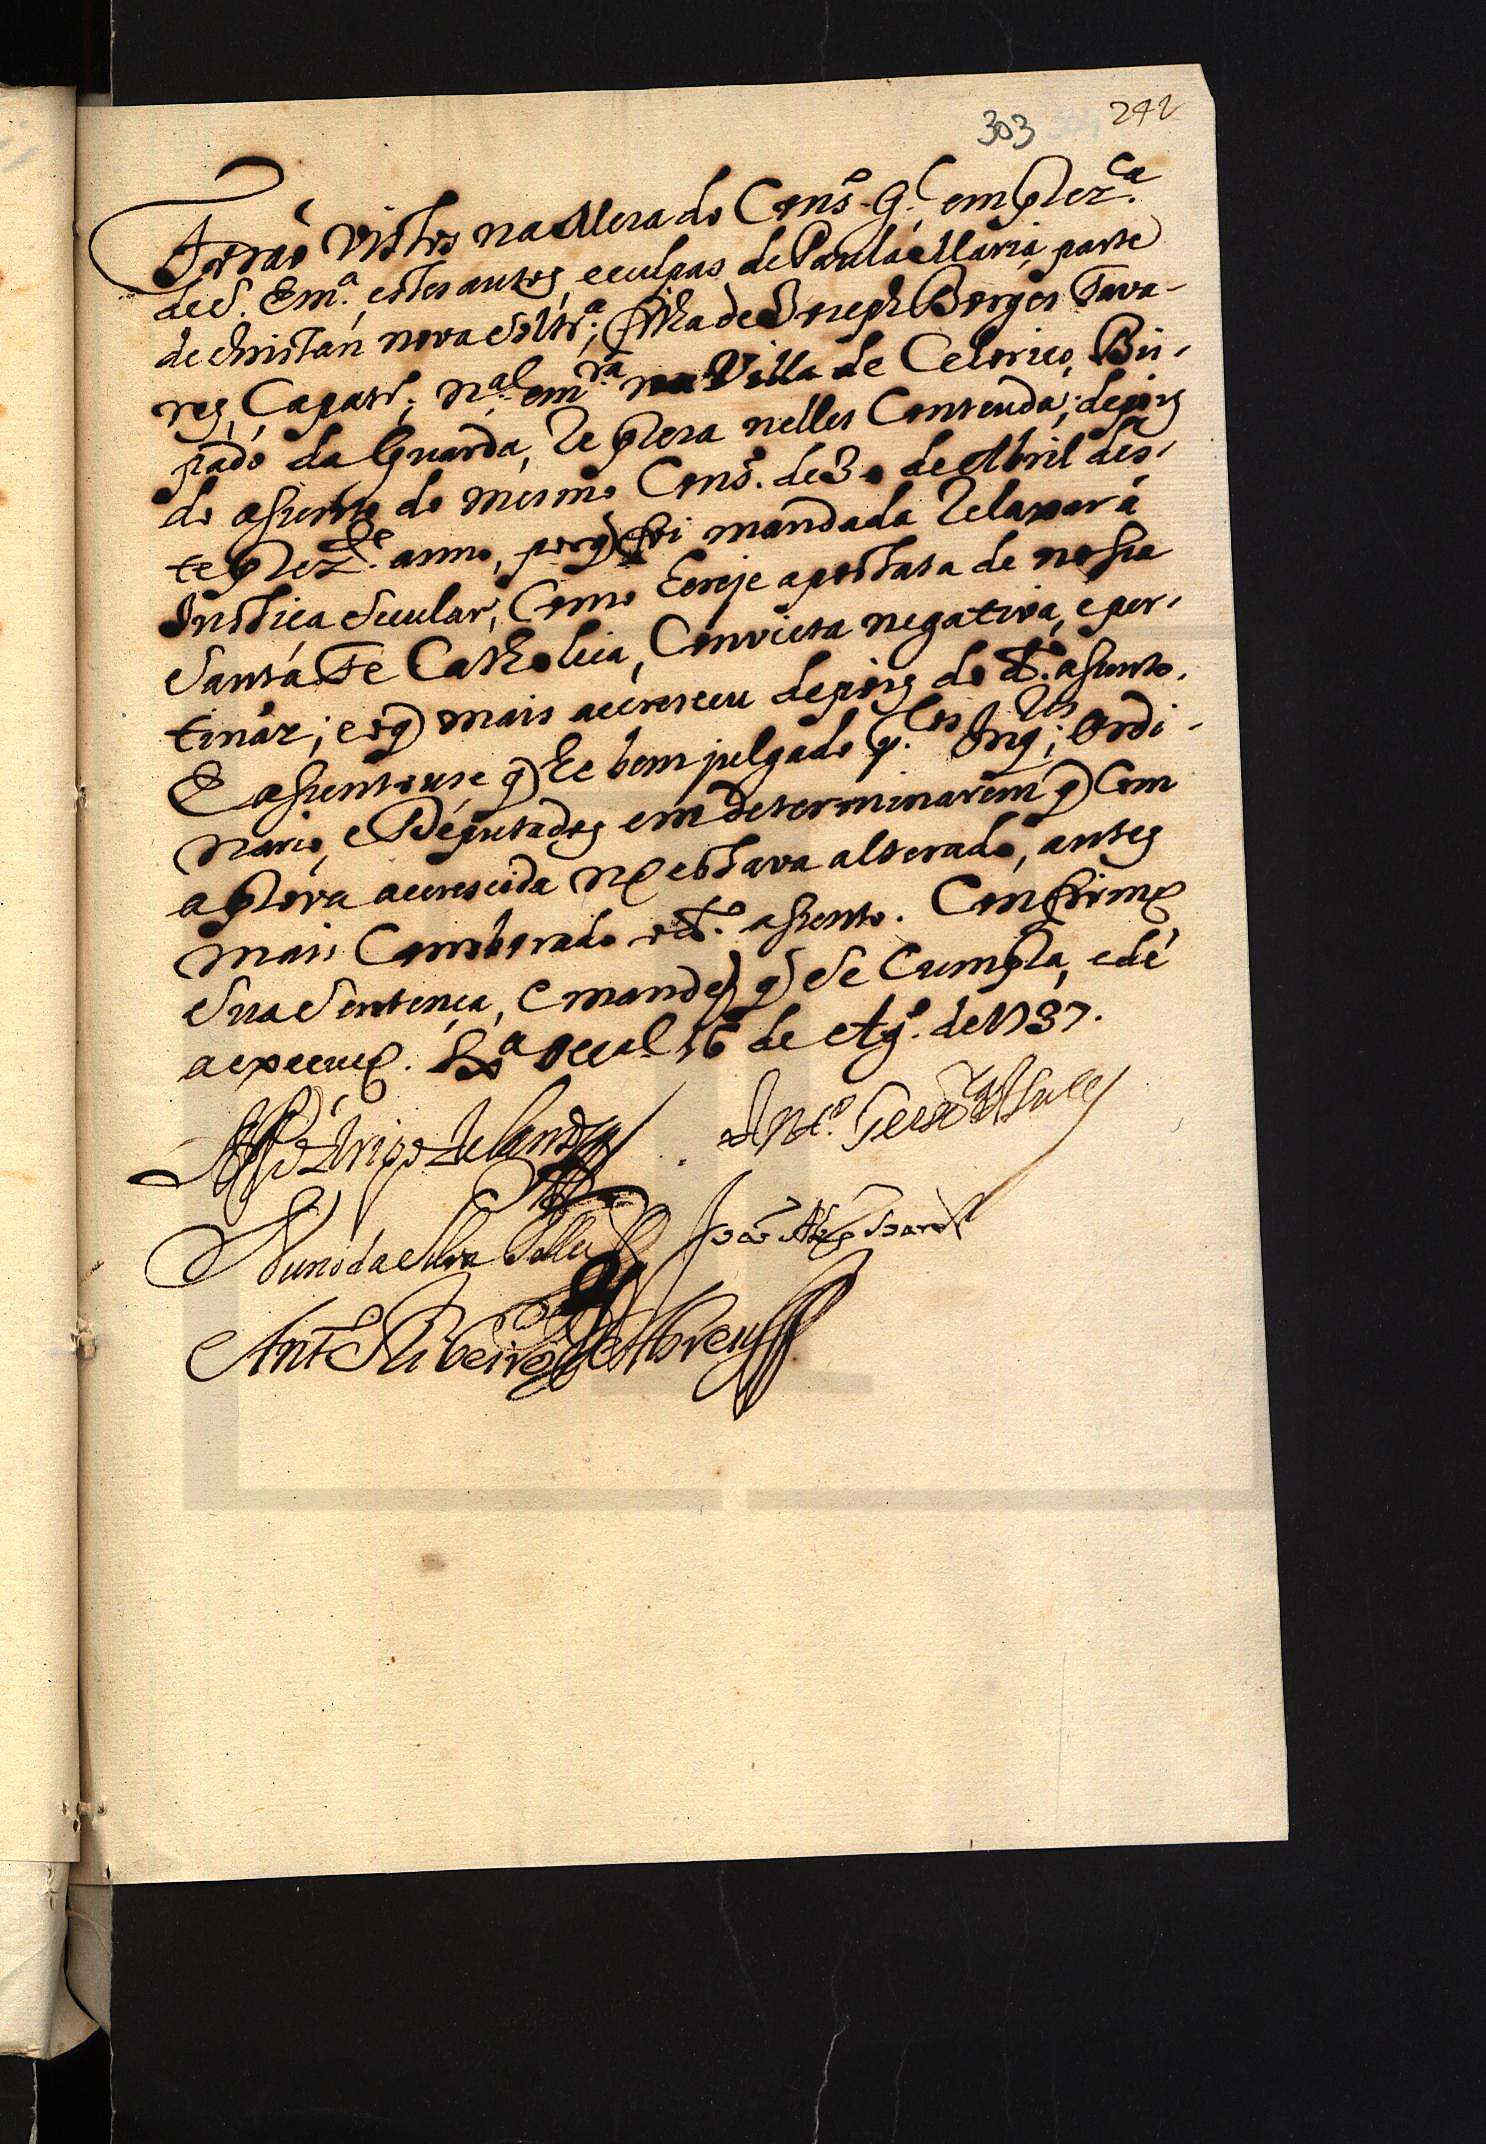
242
Foraõ vistos na Meza do Cons.o G.l em pRez.ca
de S. Em.a, estes autos, e culpas de Paula Maria, parte
de christan nova soltra; filha de Iozeph Borges Tava
res, Çapatro. n;al e mr.a na Villa de Celorico, Bis
pado da Guarda, Re pReza nelles Conteuda; depois
do assento do mesmo Cons̄ de 30 de Abril des
te pRez.te anno, porq̄ foi mandada Relaxar á
Iustiça Secular, Como hereje apostata de nossa
Santa Fe Catholica, Convicta negativa, e per
tinaz, e o q̄ mais accresceu depois do d̄.o assento
E assentouse q̄ he bem julgado p.los InqRes; Ordi
nario, e Deputados em determinarem q̄ Com
a pRova acrescida nā estava alterada, antes
mais Corroborado o d̄.o assento. Confirma
Sua Sentença, e mandē q̄ se Cumpra, e dé
a execucā. Lxa occal 16 de Ag.o de 1737.
Rodrigo de lanco
Ant.o Texra ALues
Nuno da Silva Telles João Als̄ soares
Anto Ribeiro de Abreu
